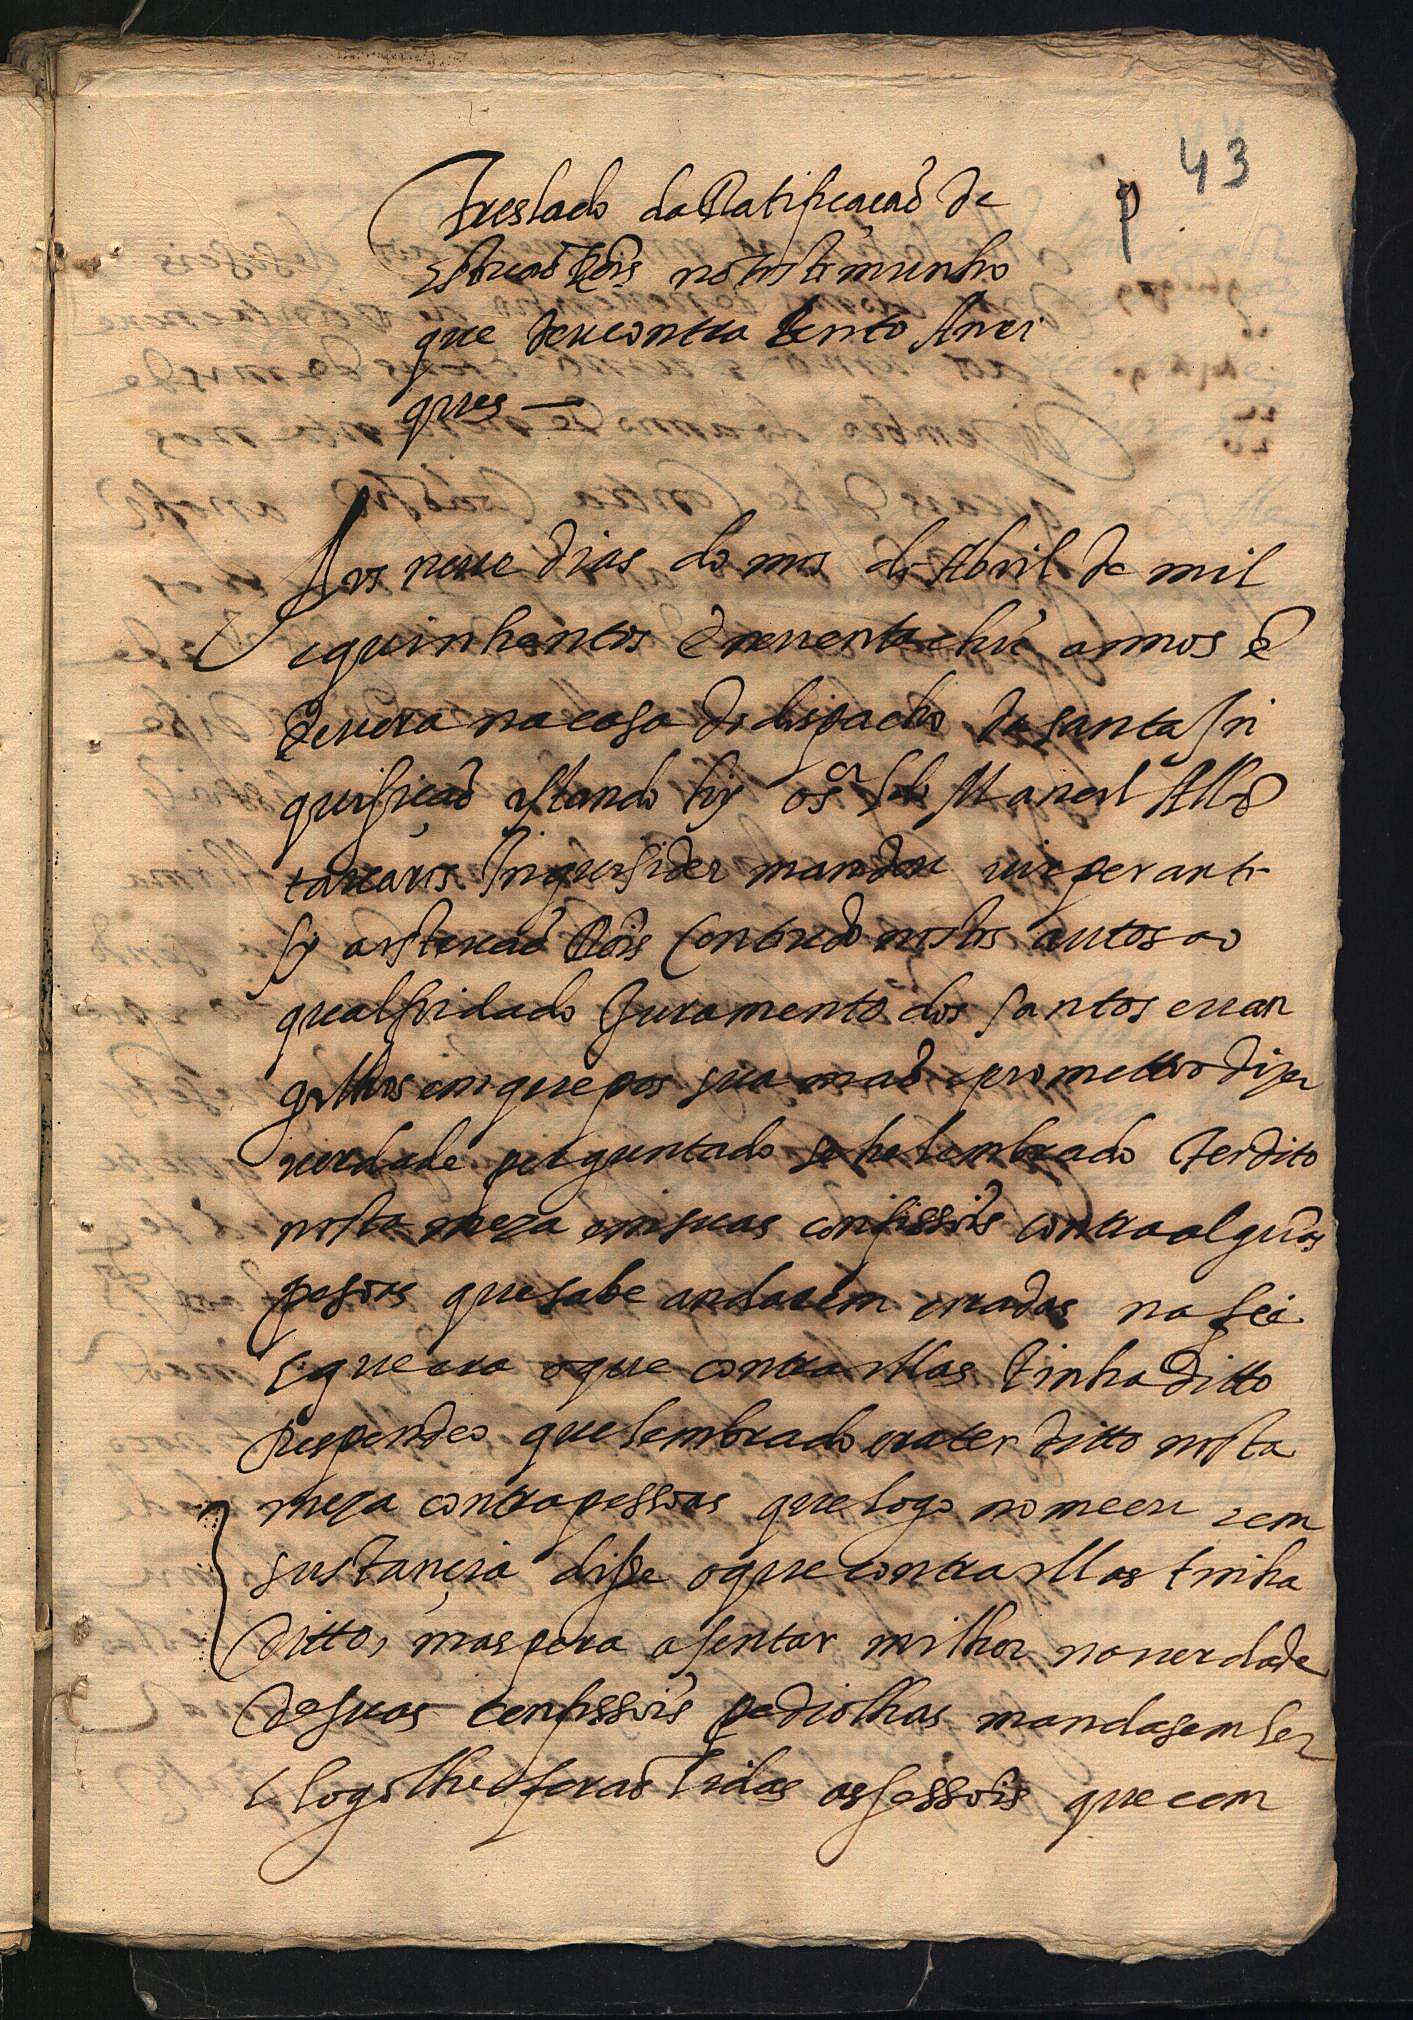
Treslado da Ratificaçaõ de
Esteuaõ Roīs no testemunho
que deu contra Bento Anri
ques
Aos noue dias do mes de Abril de mil
e quinhentos e nouenta e hū annos ē
ē euora na casa do despacho da santa Jn
quisiçaõ estando hy o sor ldo Manoel Allz̄
tauares Inquisidor mandou uir perante
sy a esteuaõ Roīs Conteudo nestes autos ao
qual foi dado Juramento dos santos euan
gelhos em que pos sua maõ e pometteo dizer
uerdade perguntado se he lembrado ter dito
nesta meza em suas confissoīs contra alguās
pesoas que sabe andasem erradas na fee
E que era o que contra ellas tinha ditto
Respondeo que lembrado era ter ditto nesta
meza contra pessoas que logo nomeou e em
sustancia disse o que contra ellas tinha
ditto, mas pera asentar milhor na uerdade
de suas confissoīs pediolhas mandasem ler
E logo lhe foraõ lidas as sessoīs que com
